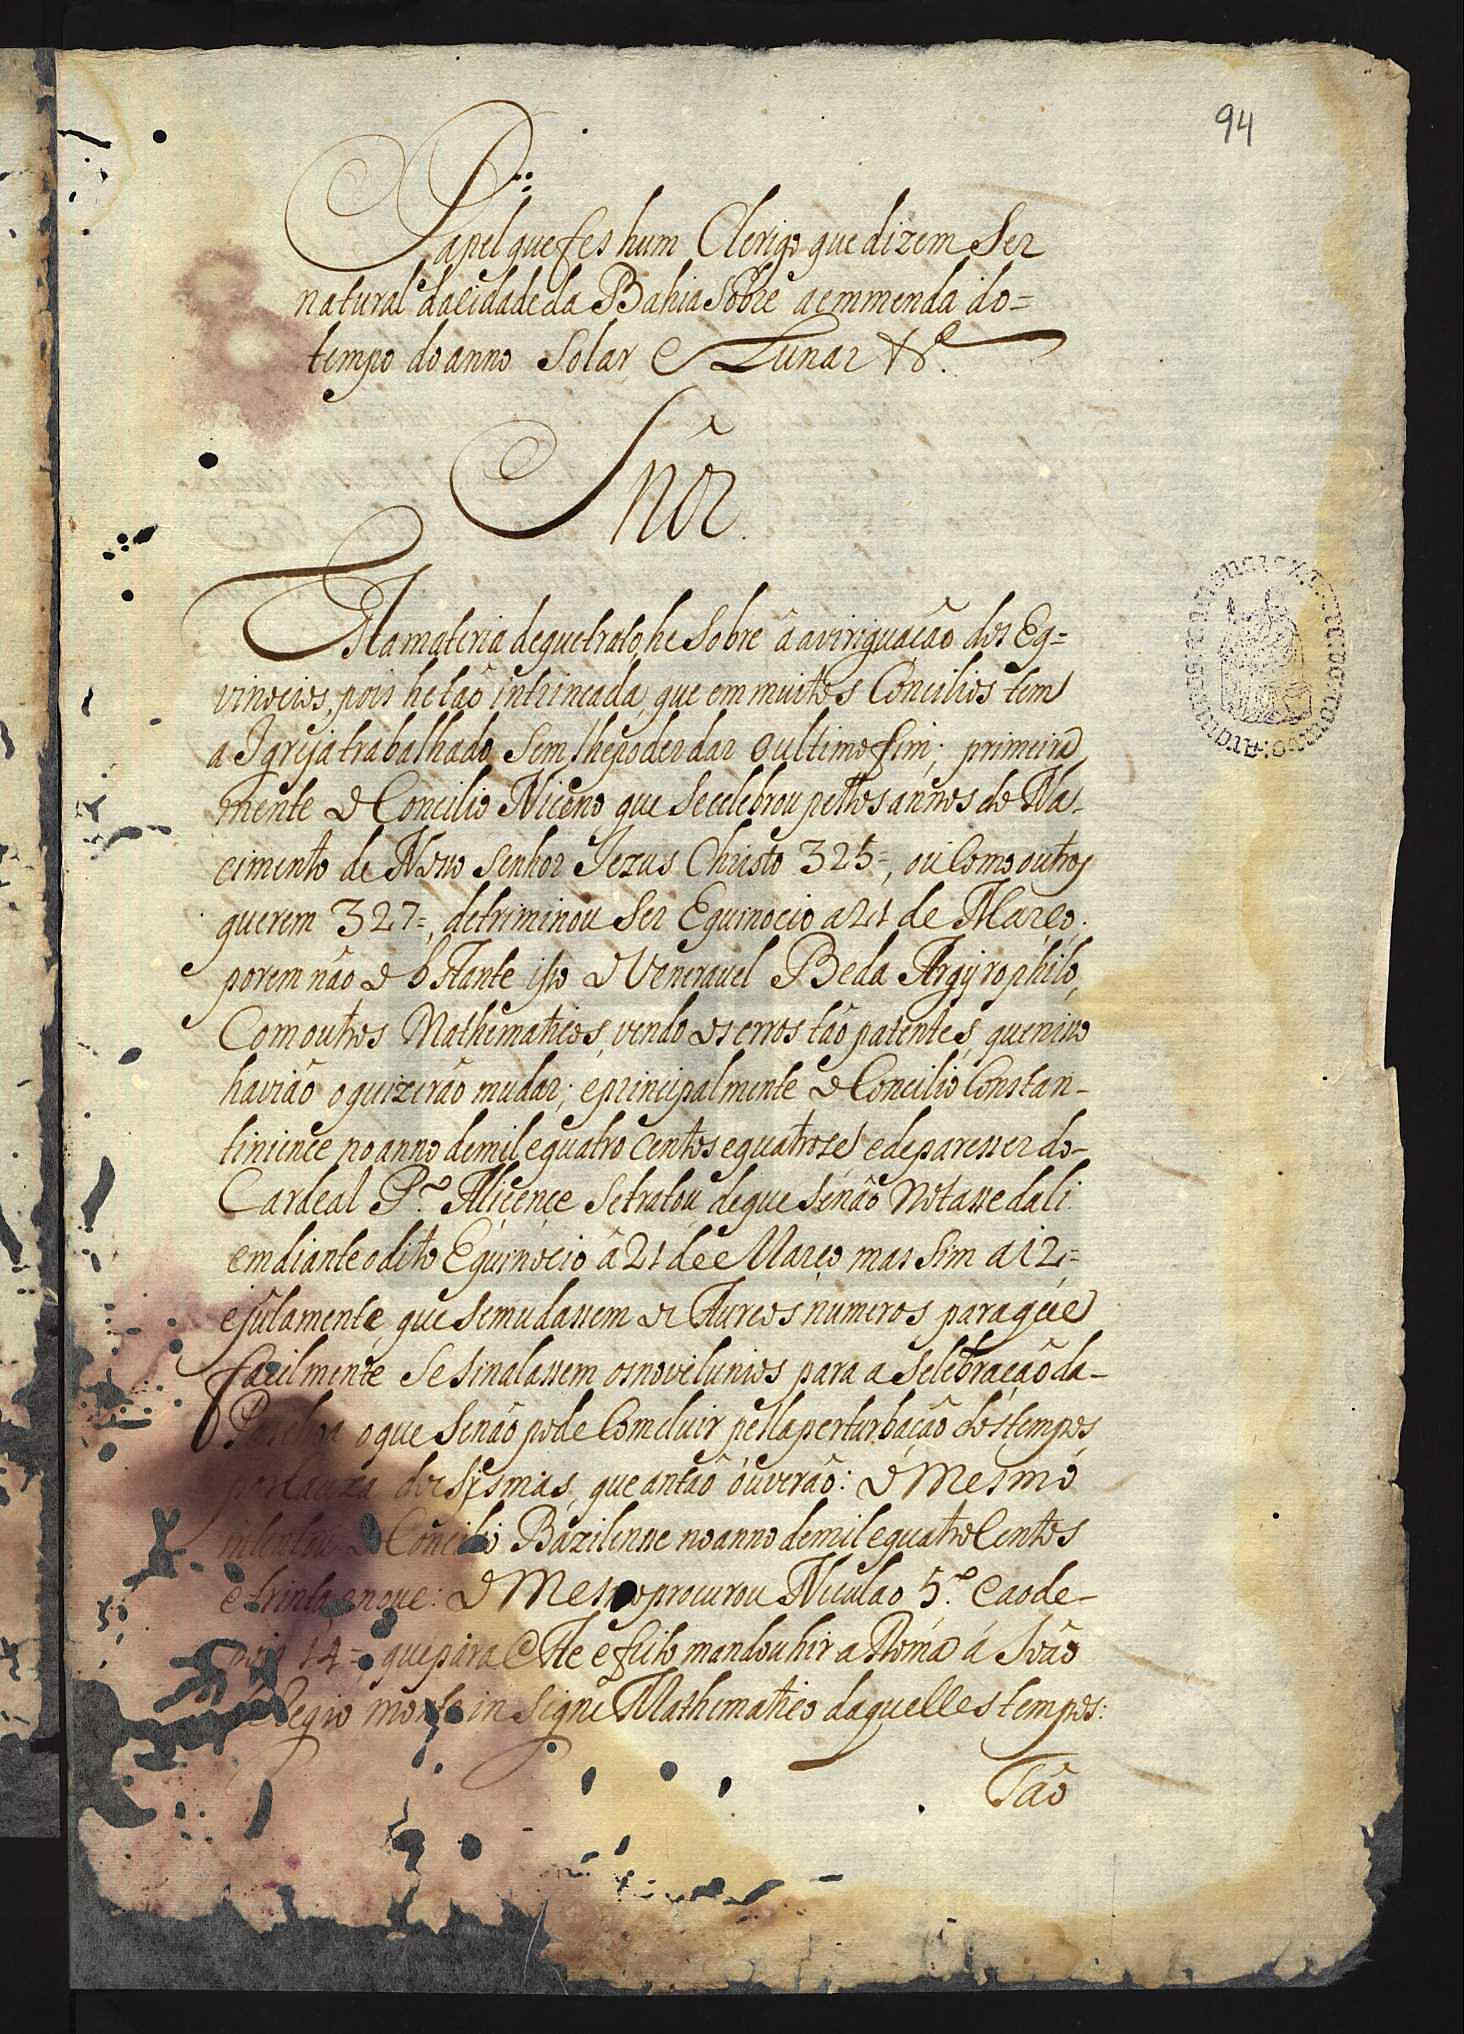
Papel que fes hum Clerigo que dizem Ser
natural da cidade da Bahia sobre a emmenda do
tempo do anno Solar e Lunar &r.a
Snōr.
Esta materia de que trato he sobre a aviriguação dos Eq
vinocios, pois he taõ intrincada, que em muitos Concilios tem
a Igreja trabalhado sem lhe poder dar o ultimo fim; primeira
mente o Concilio Niceno que Se celebrou pellos annos do Na
cimento de Nosso Senhor Iezus Christo 325, ou Como outros
querem 327. detriminou Ser E quinocio a 21 de Março.
porem não obstante isso o Venerauel Beda Argyrophilo,
Com outros Mathematicos, vendo os erros taõ patentes que nisso
havião o quizerão mudar; e principalmente o Concilio Constan
tinience no anno de mil e quatrocentos e quatroze, e de paresser do
Cardeal P.o Alicence Se tratou, de que senaõ notasse dali
em diante o dito Equinocio â 21 de Março mas Sim a i2
e jūtamente, que semudassem os Aureos numeros para que
facilmente se sinalassem os novilunios para a Selebraçaõ da
Paschoa, o que Se naõ pode Comcluir pella perturbação dos tempos
por Cauza doz Sysmas, que antaõ óuveraõ: o mesmo
intentou _ Concilio Bazilensse no anno de mil e quatroCentos
e trinta e noue: O Mes_o procurou Niculao 5.o e ao de
pois 14 = que para este efeito mandou hir a Roma á Ioaõ
Regio mo_t_ insigne Mathematico daquelles tempos:
Taõ
